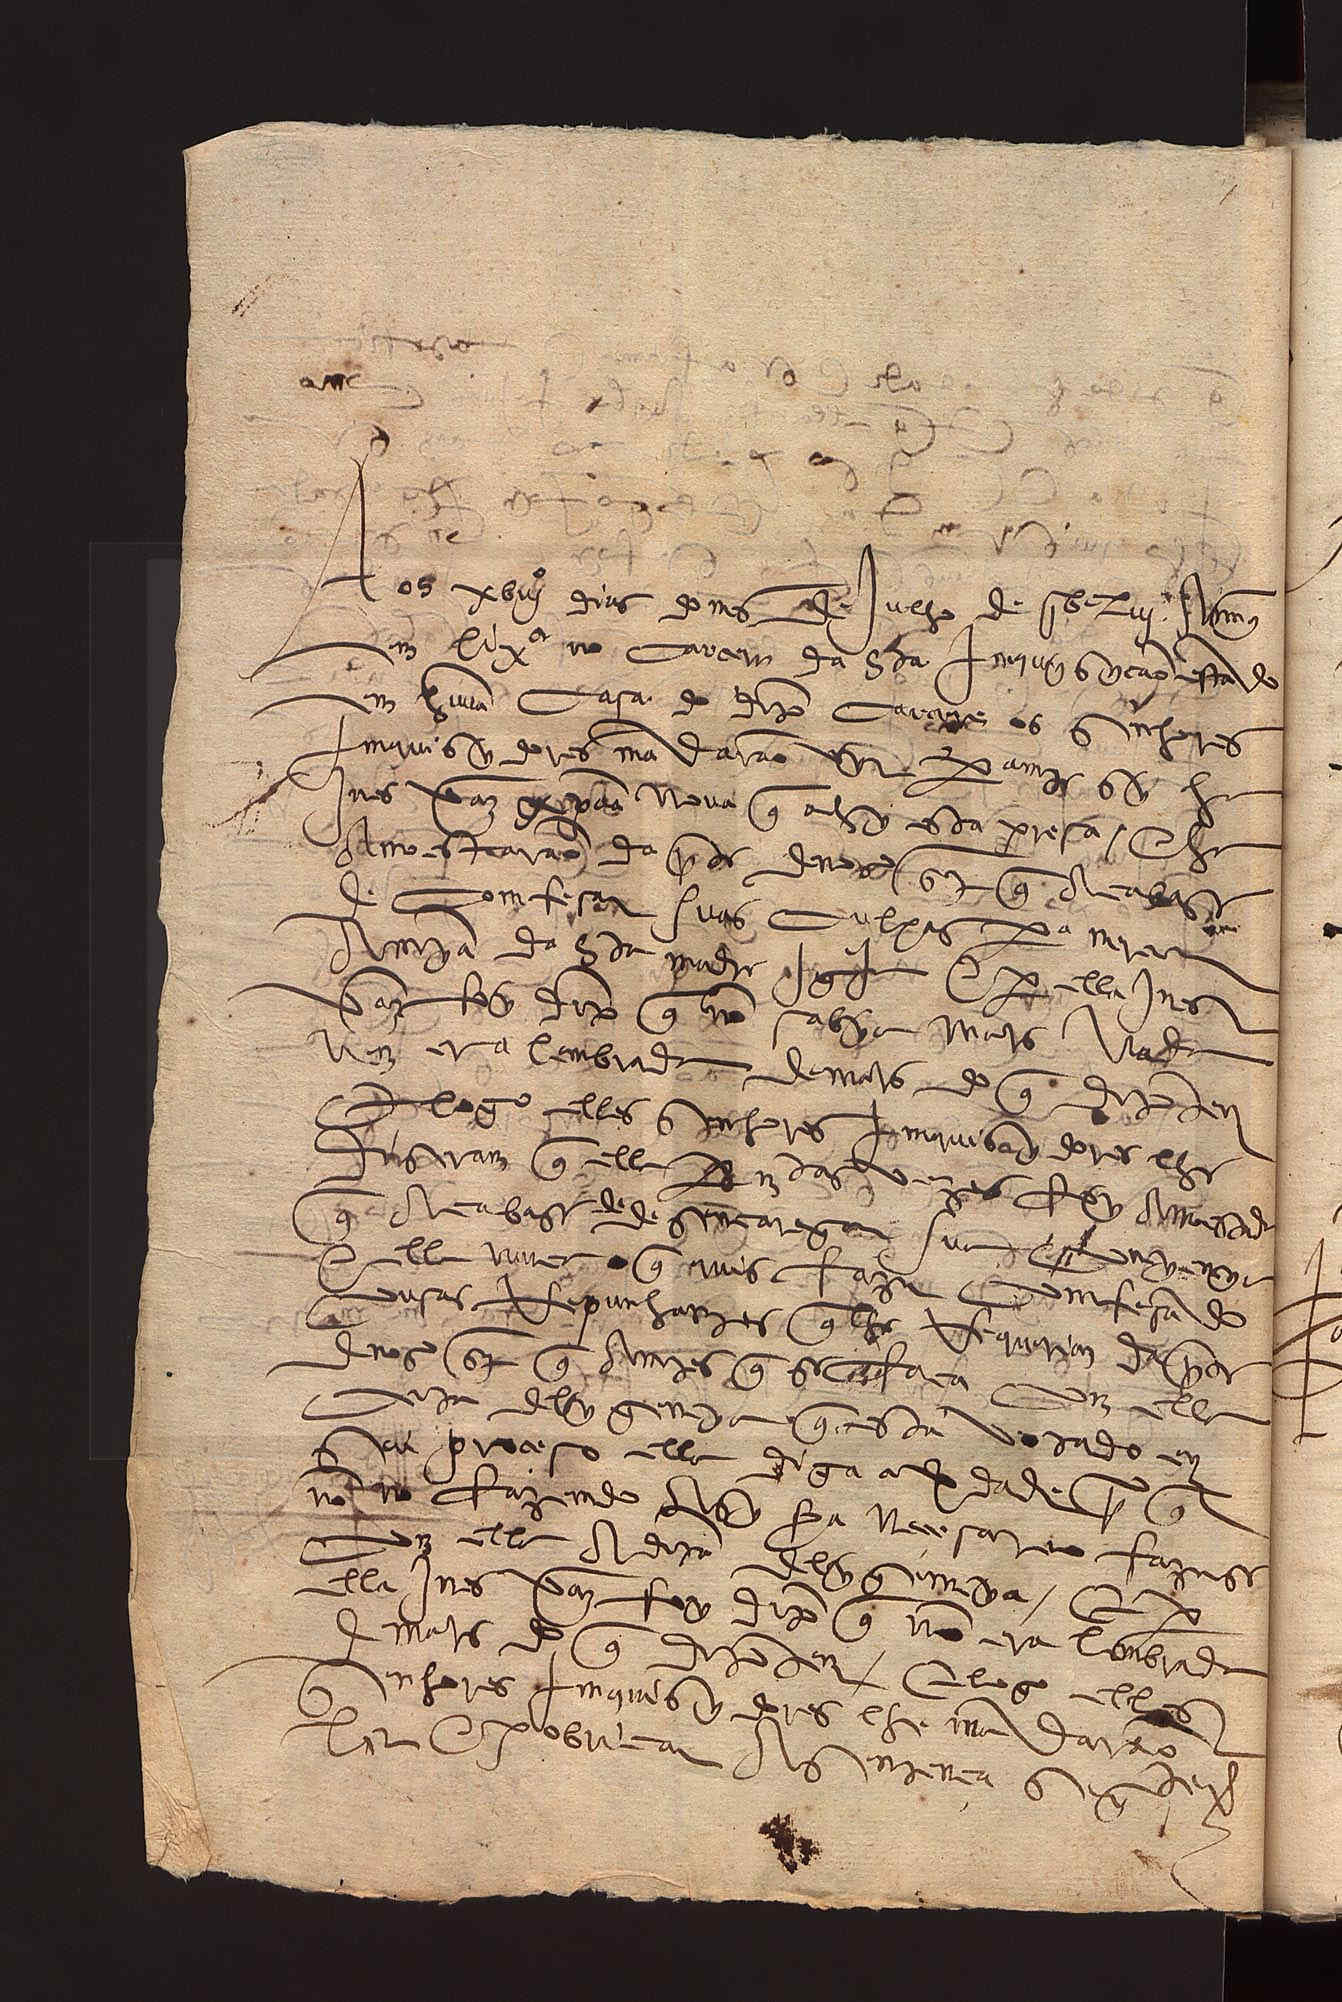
Aos xbiijo dias do mes de Julho de j̄bcLiij Annꝯ
em lixa no Carcere da Sta Jmquysycão estādo
em h̄uua Casa do dit̄o Carçere os senhores
Jmquisydores mādarão vyr ꝑamte sy ha
Jnes Vāz xp̄aa Noua q̄ ahy esta presa / e ha
Amoestarão da p̄te de noso s̄r q̄ Acabase
de Comfesar suas Culpas ꝑa mercer
A mȳa da Sta madre JgJa e ꝑ ella Jnes
Vāz foy dit̄o q̄ nō sabya majs Nada
nem era lembrada de majs do q̄ dito ten
E logo elles senhores Jmquisydores lhe
diseram q̄ ella ꝑ mtas vezes foy Amoestad
q̄ Acabase de desencaregar sua Concyencya
e ella nunca o q̄ mis fazer Comfesādo
Cousas Repunhantes q̄ lhe Requeriam da p̄te
de noso s̄r q̄ Amtes q̄ se faça Com ella
Certa delygencya q̄ esta Votado em
seu proçeso ella diga a ꝟdade p̄o q̄
nō no fazemdo Asy ꞩa neçesario fazerse
Com ella A dit̄a delygemcya / E ꝑ
ella Jnes Vāz foy dit̄o q̄ nō era lembrada
de majs do q̄ dito tem / E logo elles
Senhores Jmquisydores lhe mādarão
ler e pobricar A sentença seḡte
